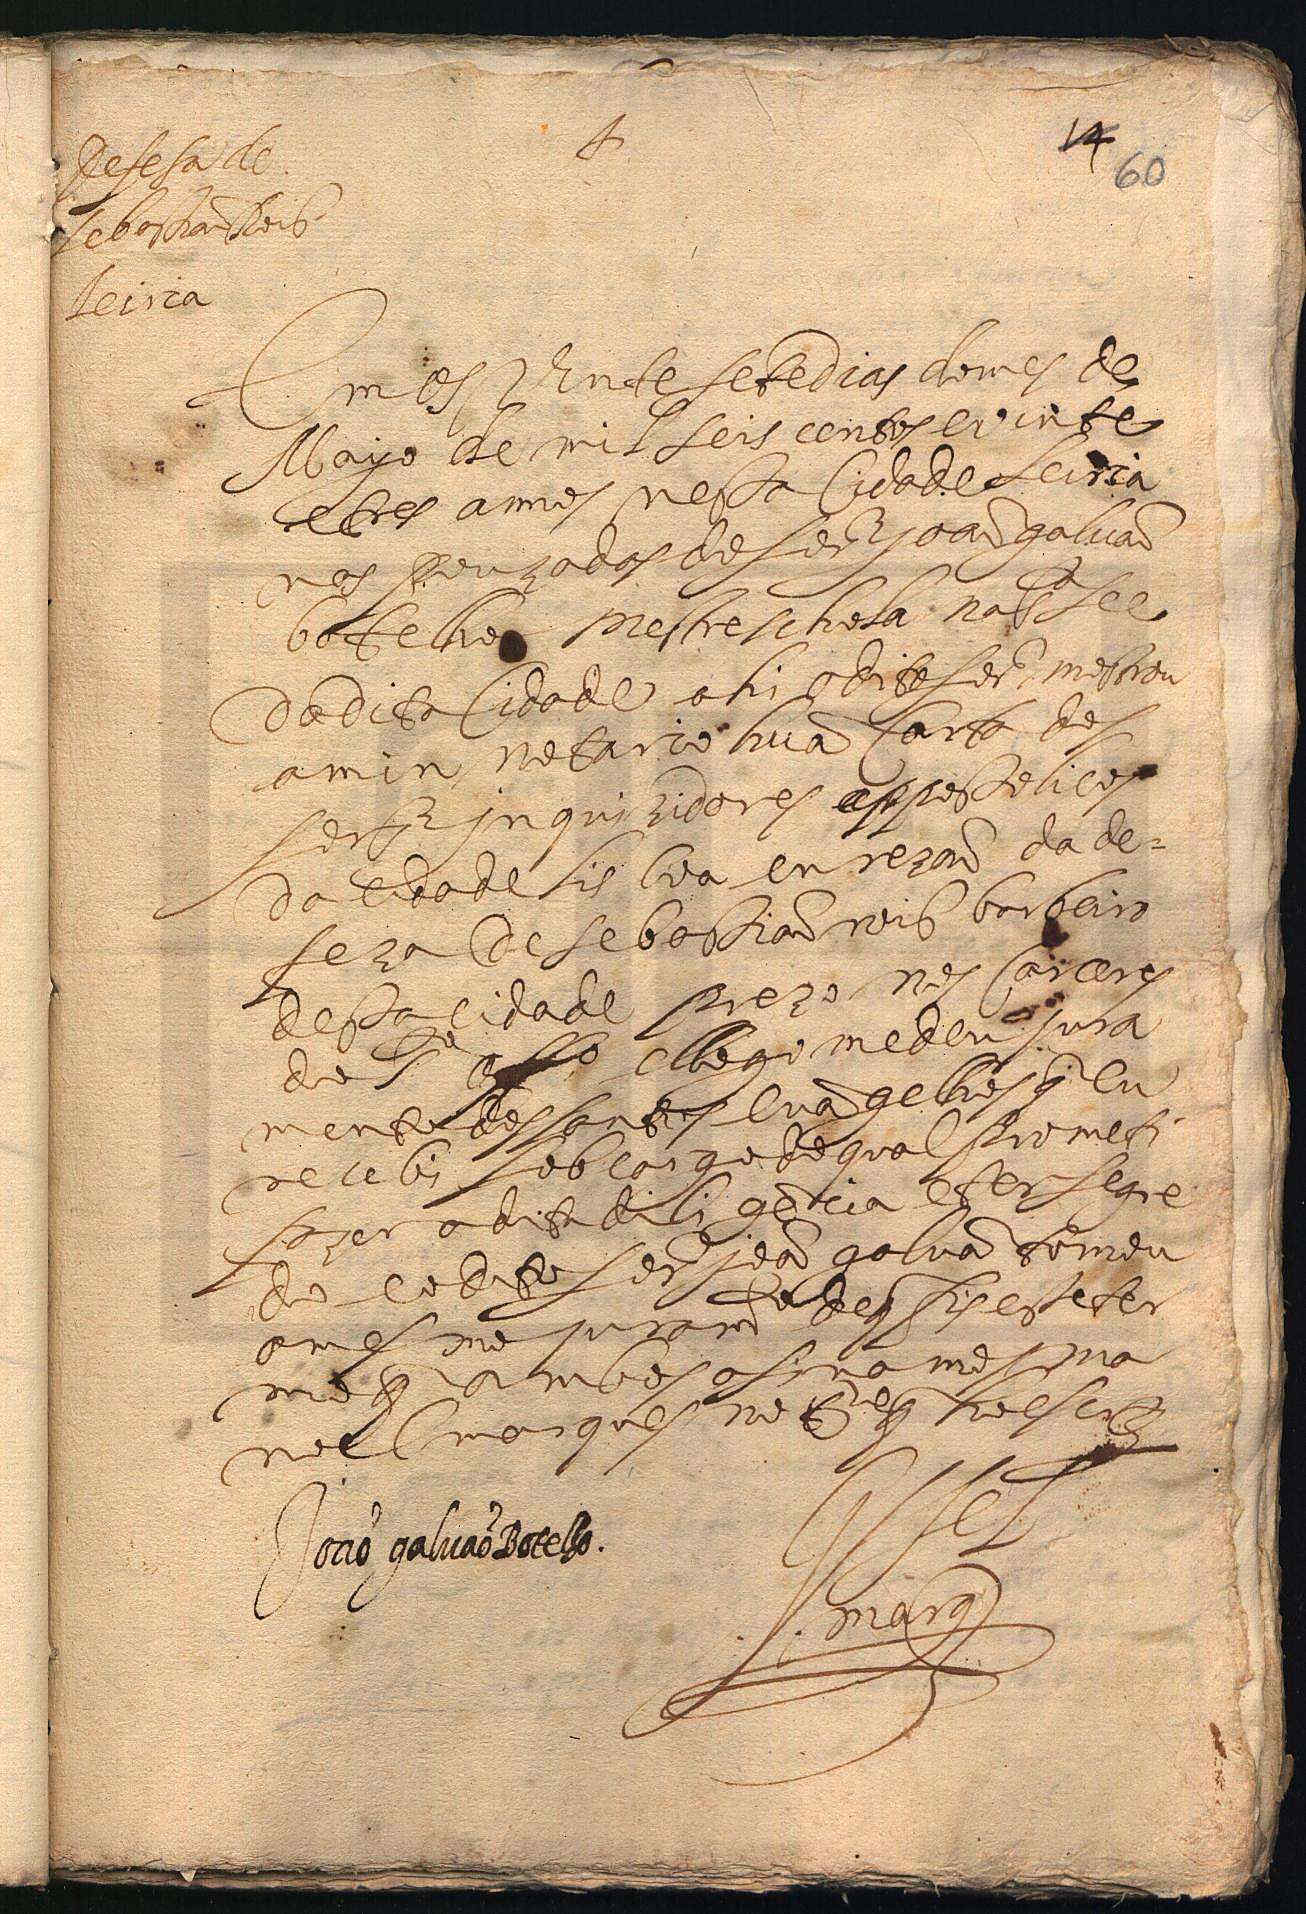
Defesa de
sebastiaõ Rois̄
Leiria
Em os Vinte sete dias do mes de
Mayo de mil seiscentos e vinte
e tres annos nesta Cidade Leiria
nas pouzadas do sor̄ joaõ galuaõ
botelho mestre schola na sta see
da dita Cidade ahi o dito sor̄ mostrou
a min notario huā Carta dos
sors̄ jnquizidores appostolicos
da cidade Lisboa en rezaõ da de
feza de sebastiaõ rois̄ barbeiro
desta cidade prezo nos Carceres
do sto off.o e llogo me deu jura
mento dos santos euāgelhos q̄ eu
recebi sob cargo do qual prometi
fazer a dita diligēcia e ter segre
do e o dito sor̄ joaõ galuaõ tomou
o mesmo juramto de q̄ fis este ter
mo q̄ ambos asinamos ma
noel marques notro q̄ ho escrj̄
